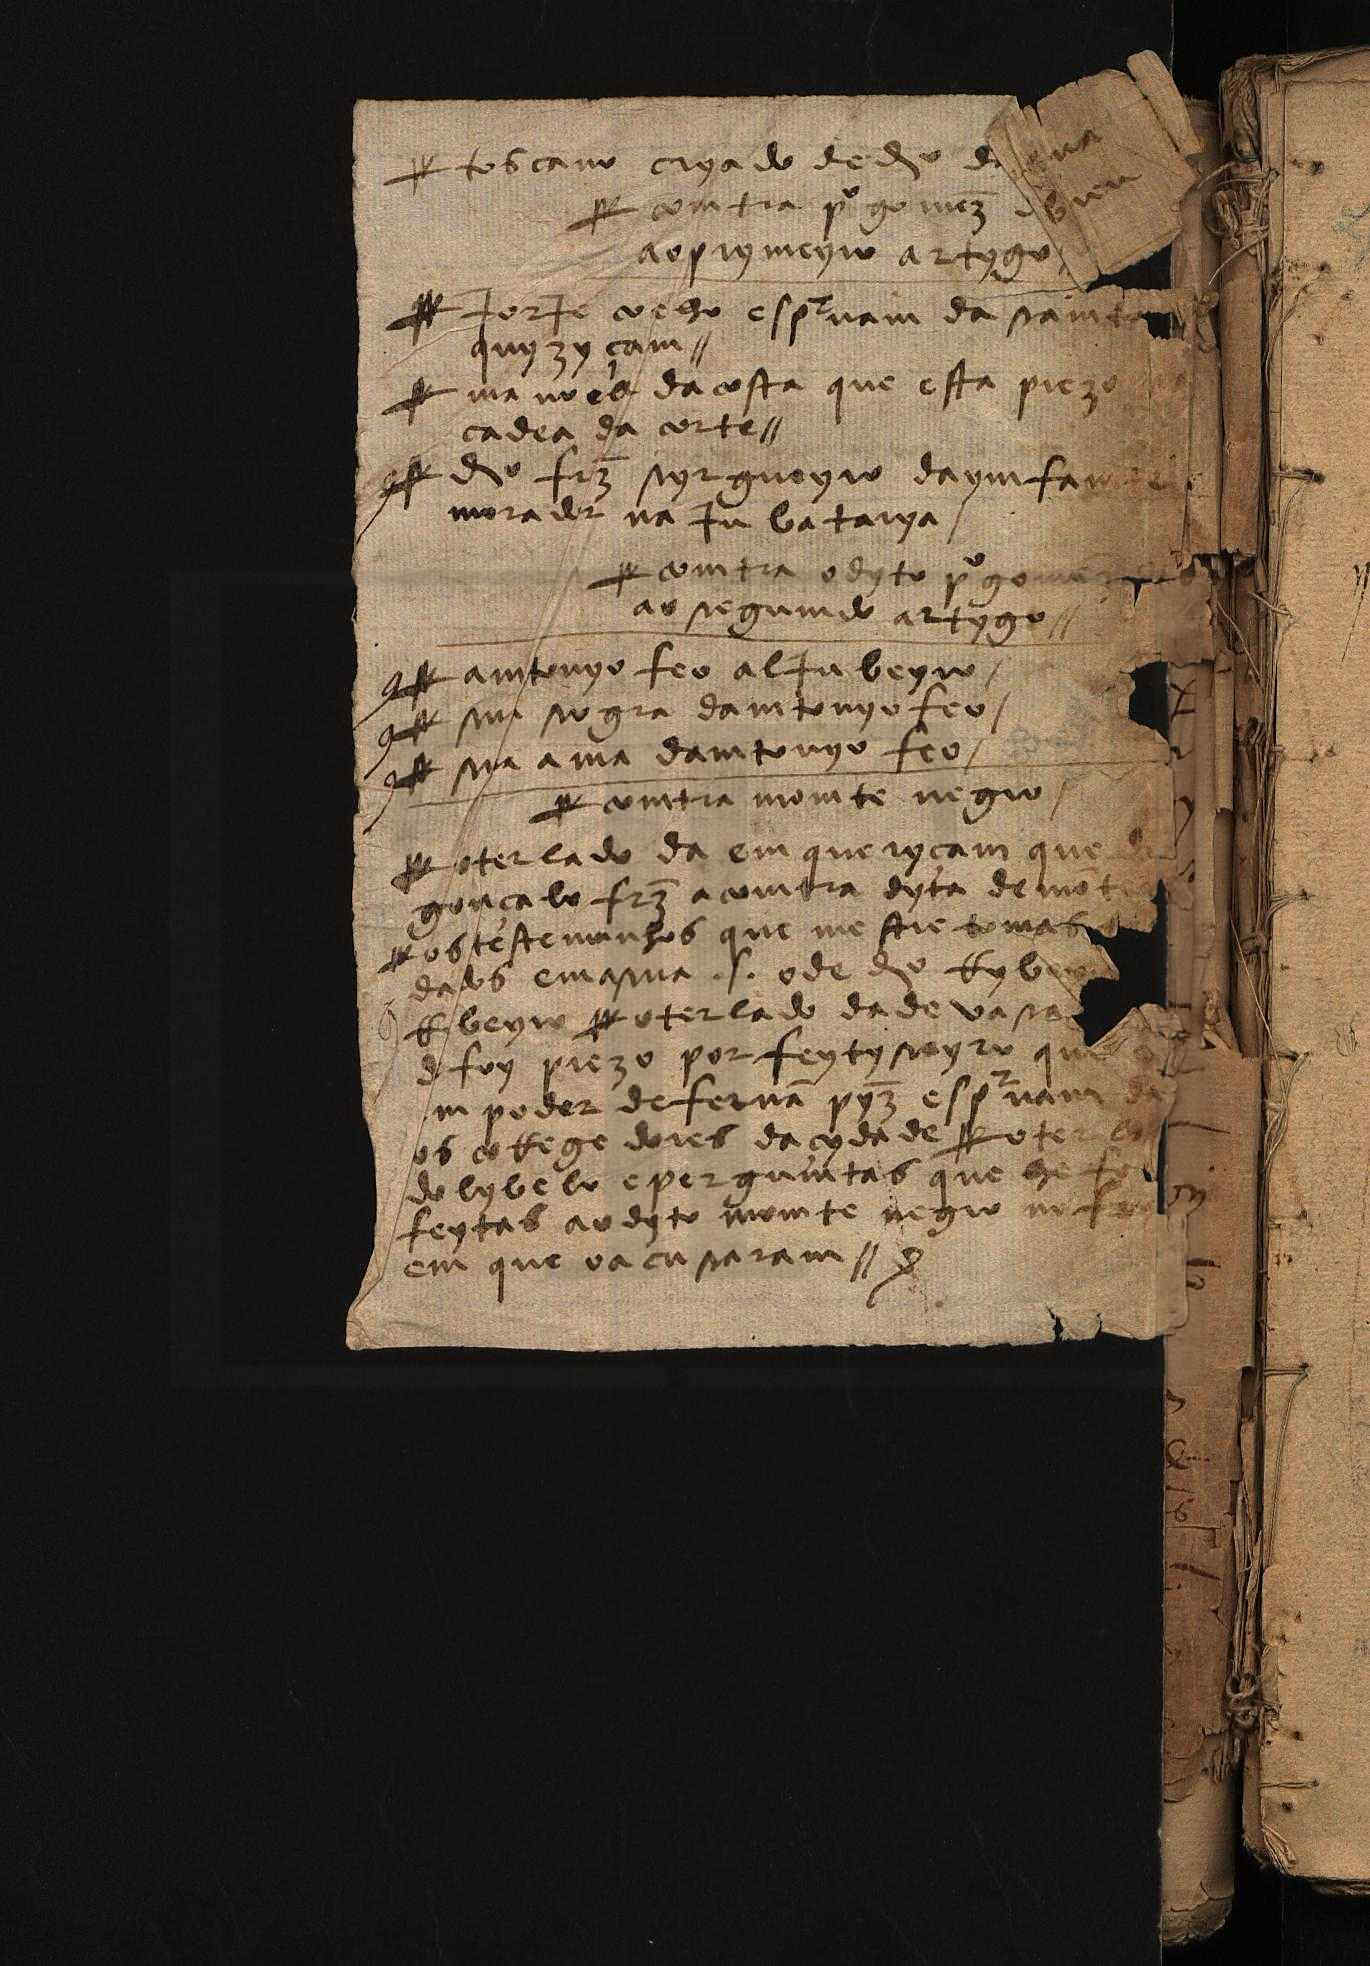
item toscano cryado de djo d
item comtra po gomez
breu
ao prymeyro artygo
item JorJe coelho espruam da samta
quysyçam //
item manoel da costa que esta prezo
cadea da corte //
ꝯ item djo frz̄ syrgueyro da yfamte
morador na Jubatarya
item comtra o dyto po gomez
ao segumdo artygo
ꝯ item amtonyo feo alJubeyro
ꝯ item sua sogra damtonyo feo
ꝯ item sua ama damtonyo feo /
item comtra momtenegro
item o terlado da emqueryçam que da
gonçalo frz̄ a comtradyta de mōte
ite os testemunhos que mestre tomas
dados em a sua .s. o de djo Rybey
Ribeyro item o terlado da devasa
d foy prezo por feytyseyro que
m poder de fernā pyz̄ espruam da
os coRegedores da cydade item o tela
do lybelo e pergumtas que lhe for
feytas ao dyto momtenegro no fey
em que o acusaram //
